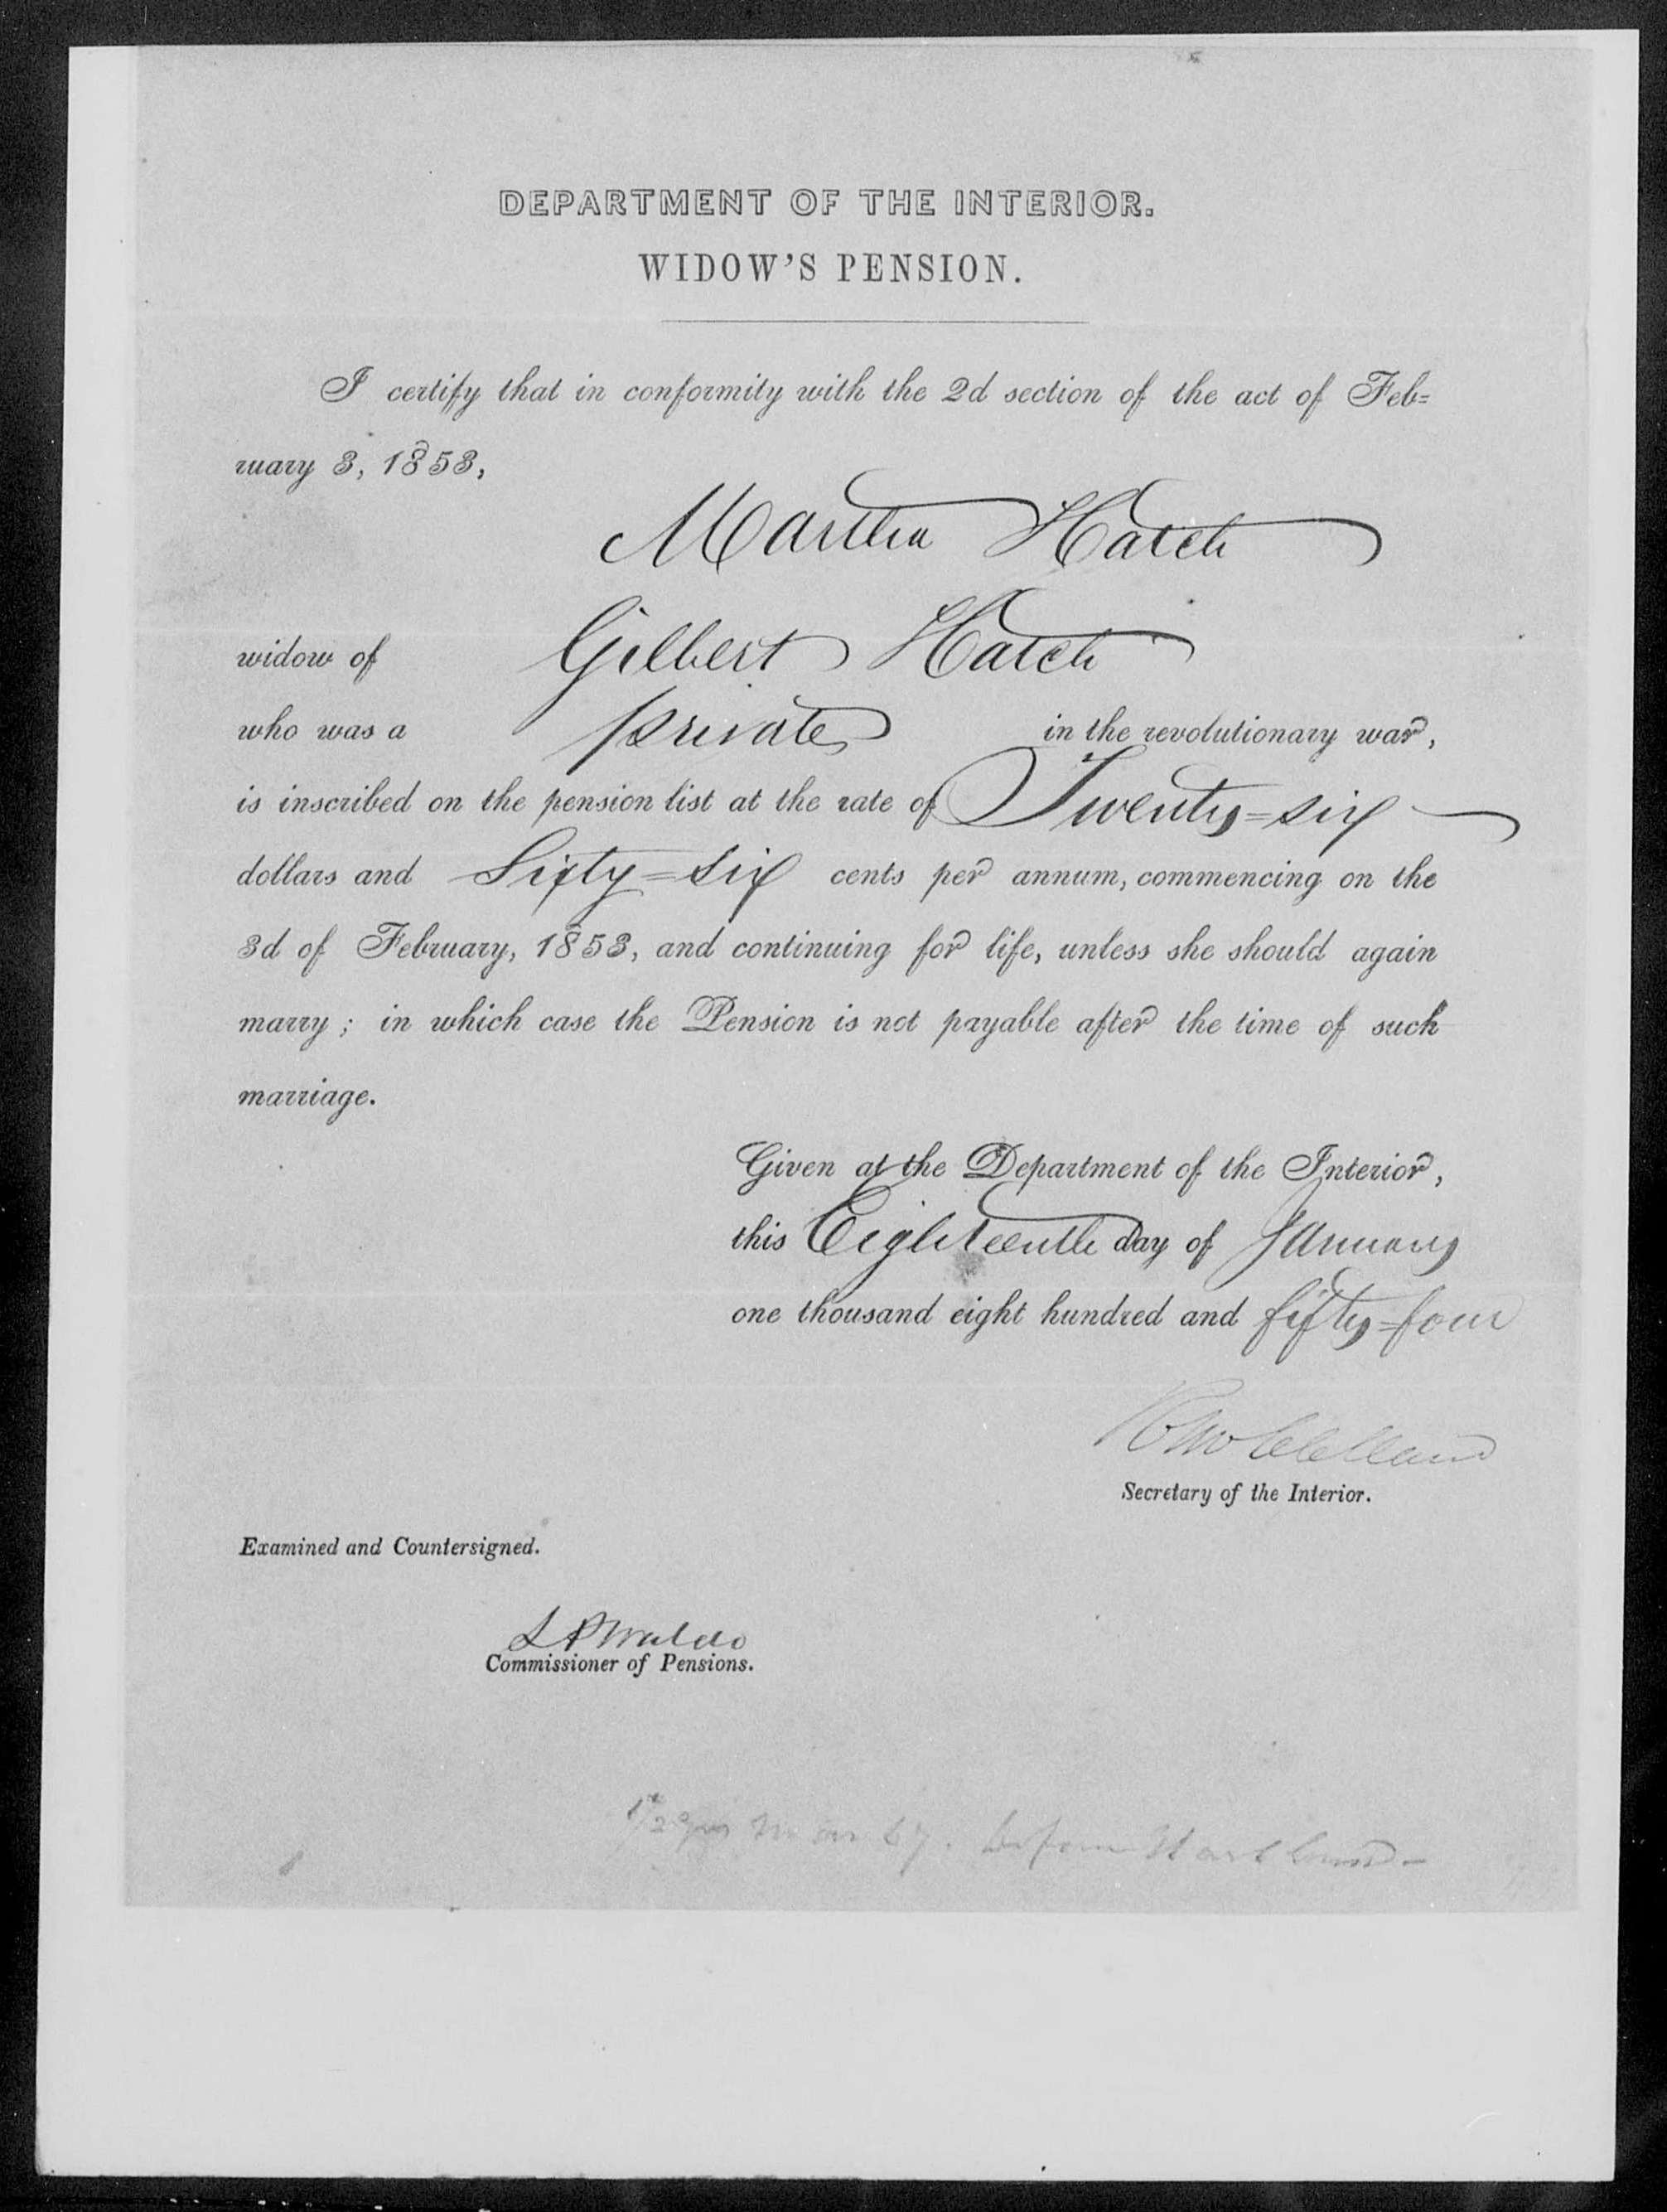DEPARTMENT OF THE INTERIOR.
WIDOW'S PENSION.

I certify that in conformity with the 2d section of the act of Feb=
ruary 3, 1853, 
Martha Hatch
widow of Gilbert Hatch
who was a private in the revolutionary war, is inscribed on the pension list at the rate of Twenty=six dollars and Sixty=six cents per annum, commencing on the 3d of February, 1853, and continuing for life, unless she should again marry; in which case the Pension is not payable after the time of such marriage.

Given of the Department of the Interior,
the Eighteenth day of January 
one thousand eight hundred and fifty=four

R McClelland
Secretary of the Interior.

Examined and Countersigned.

S. P. Waldo
Commissioner of Pensions.

[illegible]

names: Gilbert Hatch, Martha Hatch, R Mc Clelland, L P Waldo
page: 36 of 47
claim: widow's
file: W. 225, Gilbert Hatch, Conn.